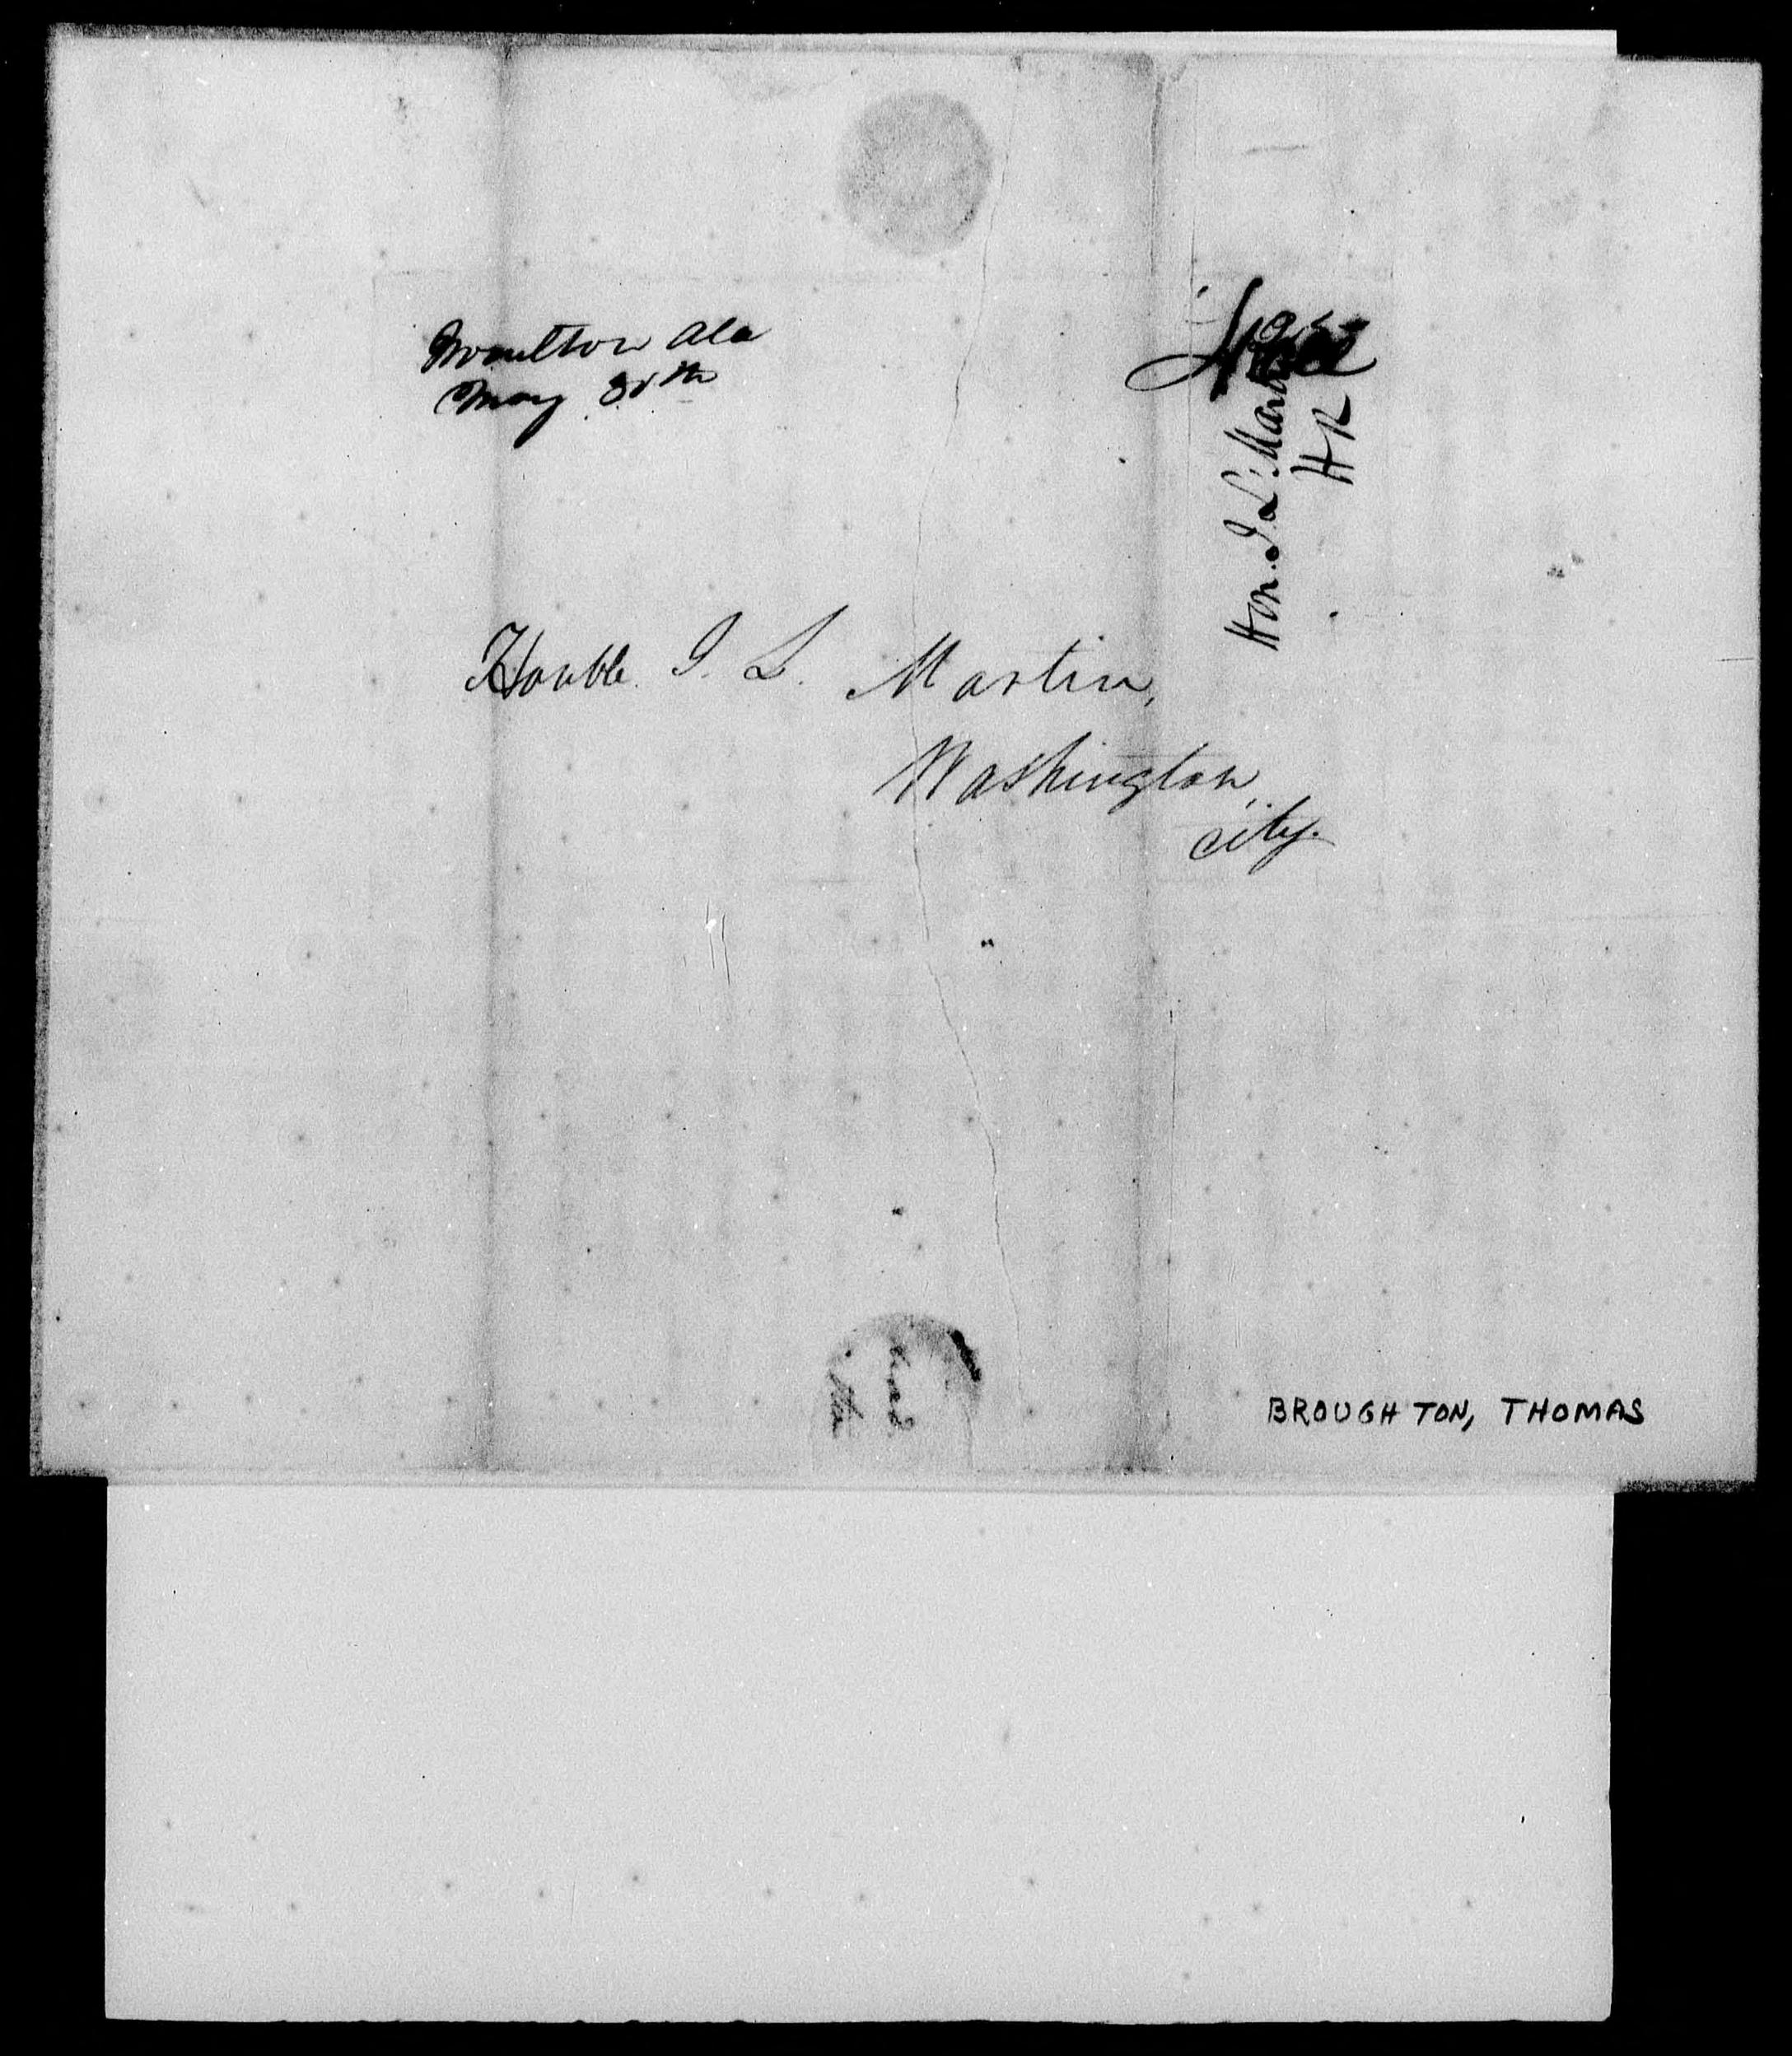Moulton Ala
May 30th

Free

Honble. J. L. Martin
Washington,
city

Hon. J. L. Martin
HR

BROUGHTON, THOMAS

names: J L Martin, Thomas Broughton, J L Martin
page: 30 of 72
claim: widow's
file: W. 897, Thomas Broughton, S.C.